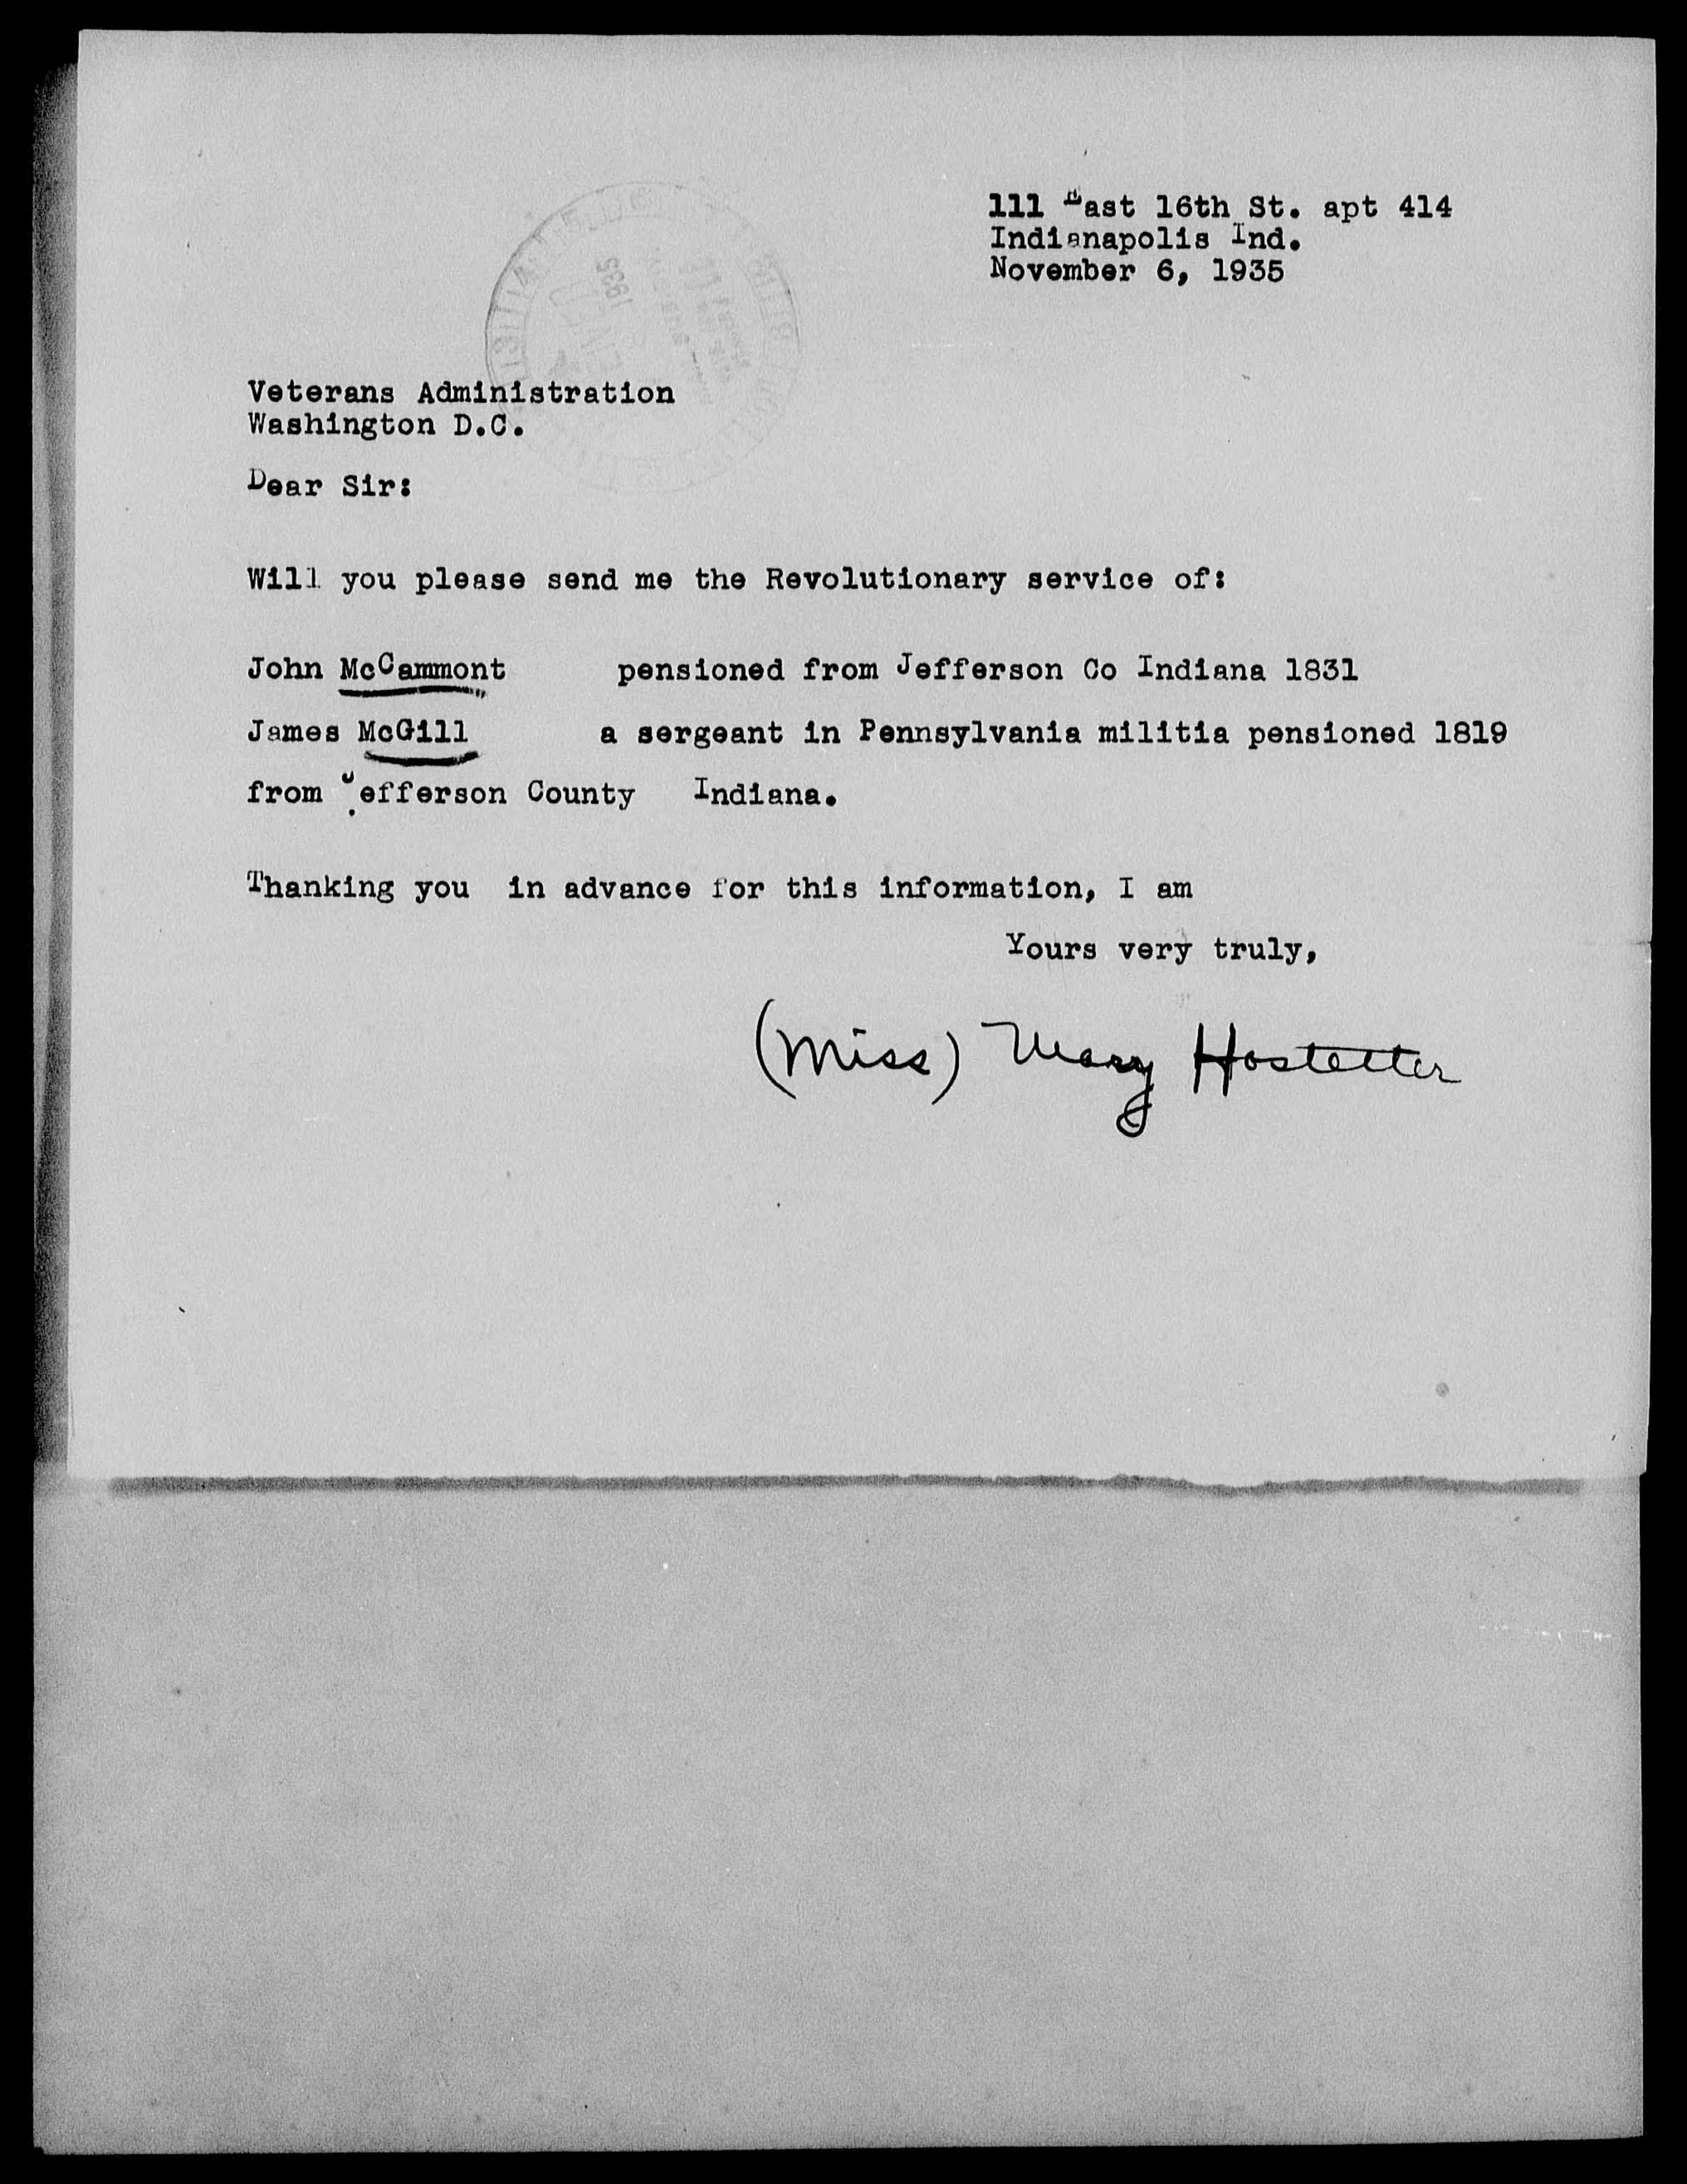Image 115     4160873_0015
Fold3 File #23857281

[Letter]

111 East 16th St. apt 414 Indianapolis Ind.
November 6, 1935
Veterans Administration Washington D.C.
Dear Sir:
Will you please send me the Revolutionary service of:
John McCammont pensioned from jefferson Co Indiana 1831
James McGill a sergeant in Pennsylvania militia pensioned 1819 from Jeferson County Indiana.
Thanking you in advance for this information, I am
Yours very truly,
(Miss) Mary Hostetter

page: 57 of 71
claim: widow's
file: W. 8428, for James Mc Gill, Pennsylvania